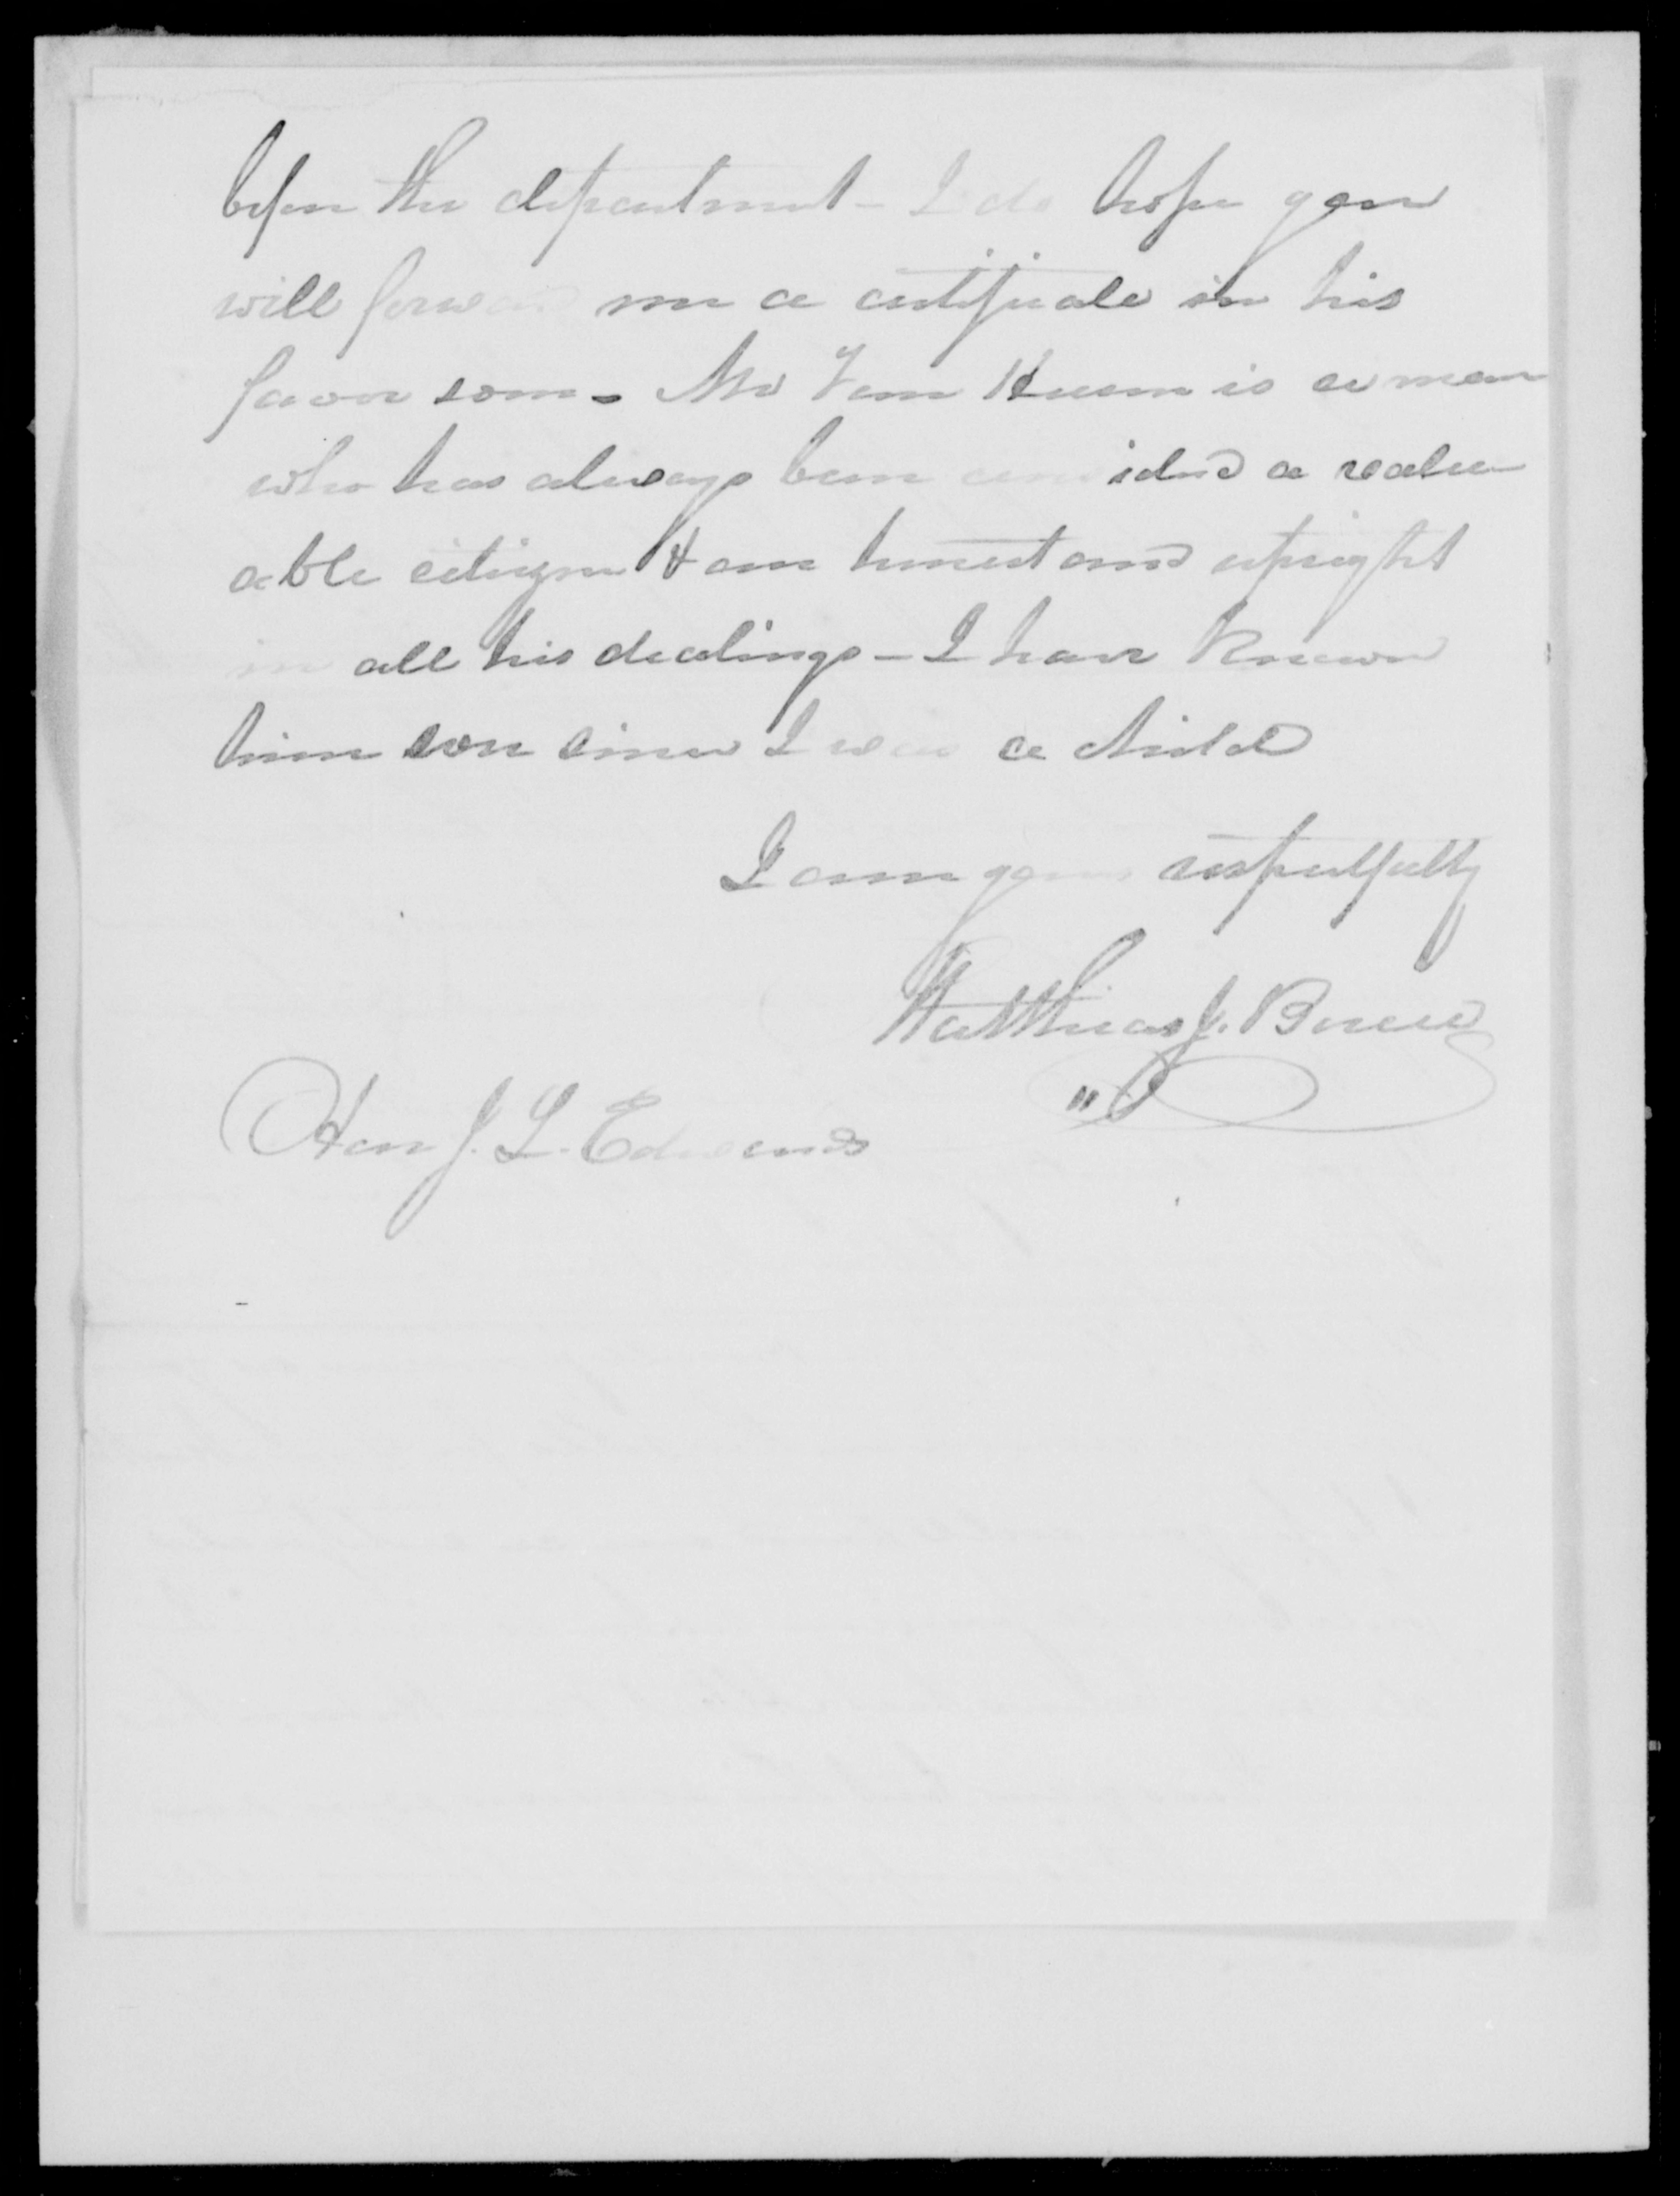before the department - I do hope you will forward me a certificate in his favor soon – Mr Van Husen is a man who has always been considered a valuable citizen & an honest and upright in all his dealings - I have known him son since I was a child 
I am yours respectfully 
[signed] Matthias J. Bovee

Hon J. L. Edwards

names: J L Edwards, Van Husen, Matthias J Bovee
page: 37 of 57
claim: survivor's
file: S. 28,925, Albert Van Housen, New York